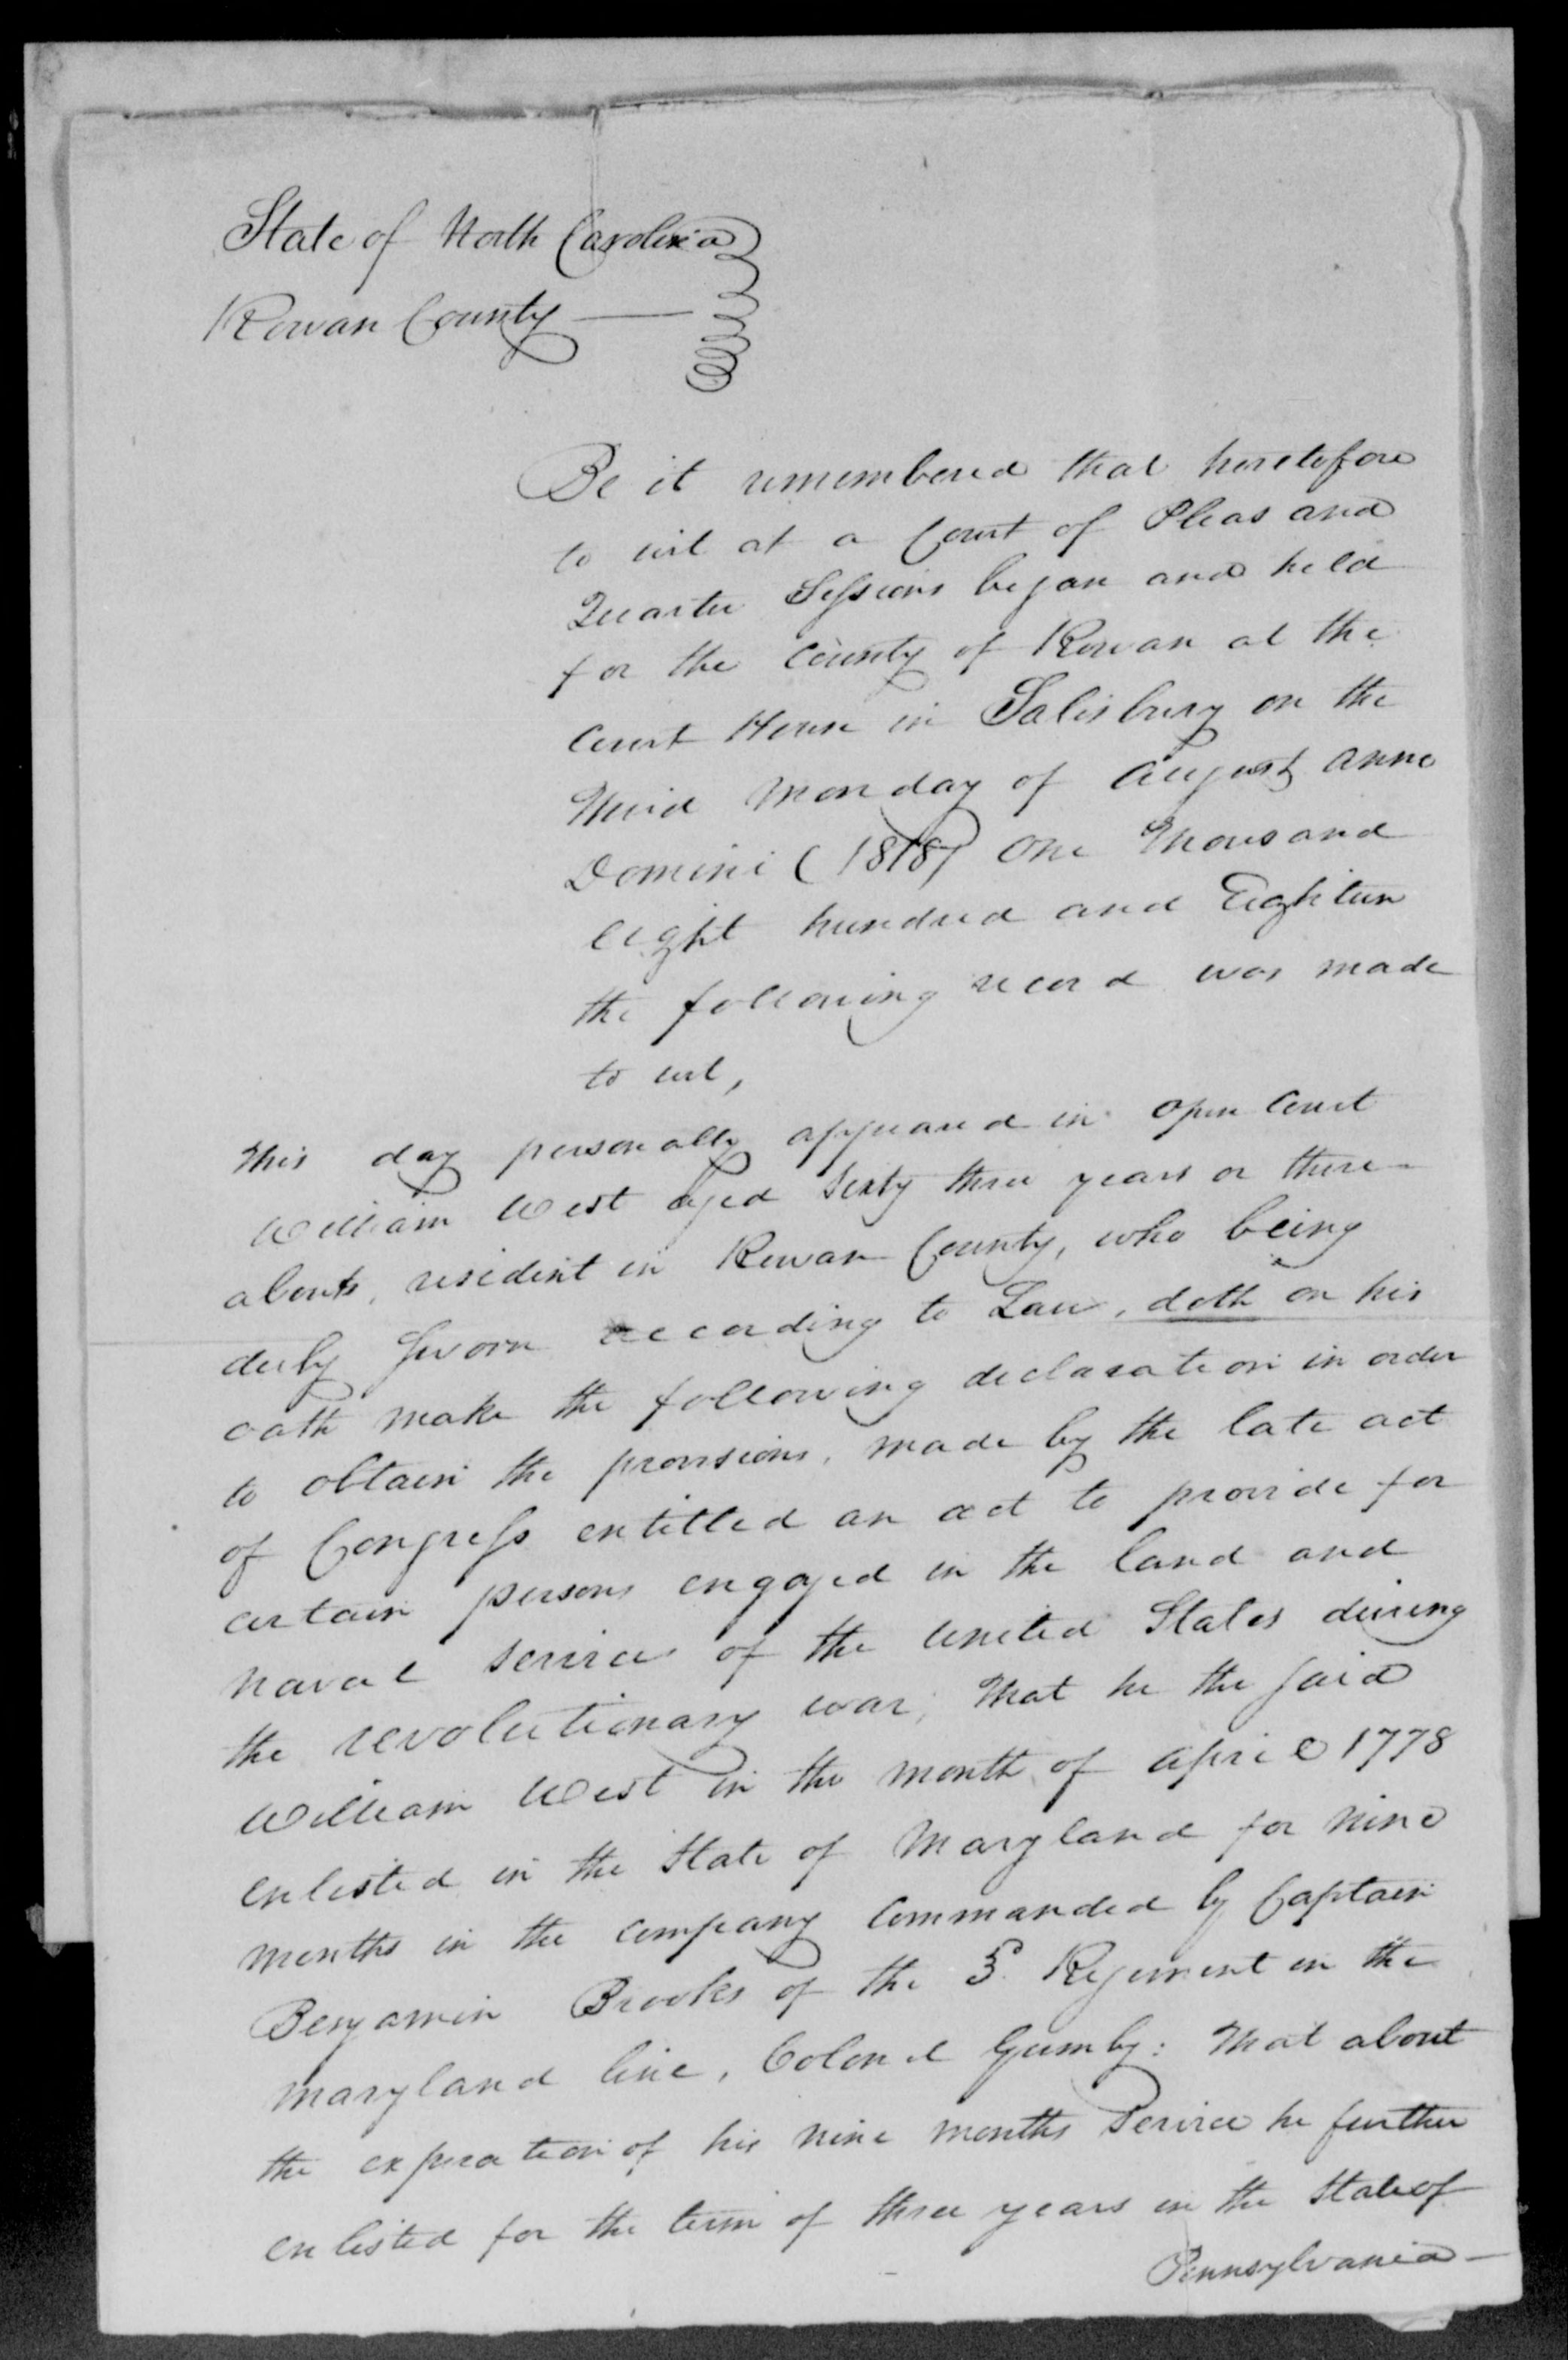State of North Carolina
Rowan County
Be it remembered that heretofore
to wit at a Court of Pleas and
Quarter Sessions began and held
for the County of Rowan at the
Court House in Salisbury on the
Third Monday of August Anno
Domini (1818) One Thousand
eight hundred and Eighteen
the following record was made
to wit,
This day personally appeared in Open Court
William West aged Sixty three years or there
about, resident in Rowan County, who being
duly sworn according to Law, doth on his
oath make the following declaration in order
to obtain the provisions, made by the late act
of Congress entitled an act to provide for
certain persons engaged in the land and
Naval service of the United States during the
revolutionary war; That he then said
William West in the month of April 1778
enlisted in the State of Maryland for nine
months in the company commanded by Captain
Benjamin Brooks of the 3d Regiment in the
Maryland line, Colonel Gumby: That about
the expiration of his nine months service he further
enlisted for the term of three years in the State of
Pennsylvania.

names: William West, Gumby, Benjamin Brooks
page: 5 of 12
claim: survivor's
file: S. 42060, William West, Md.